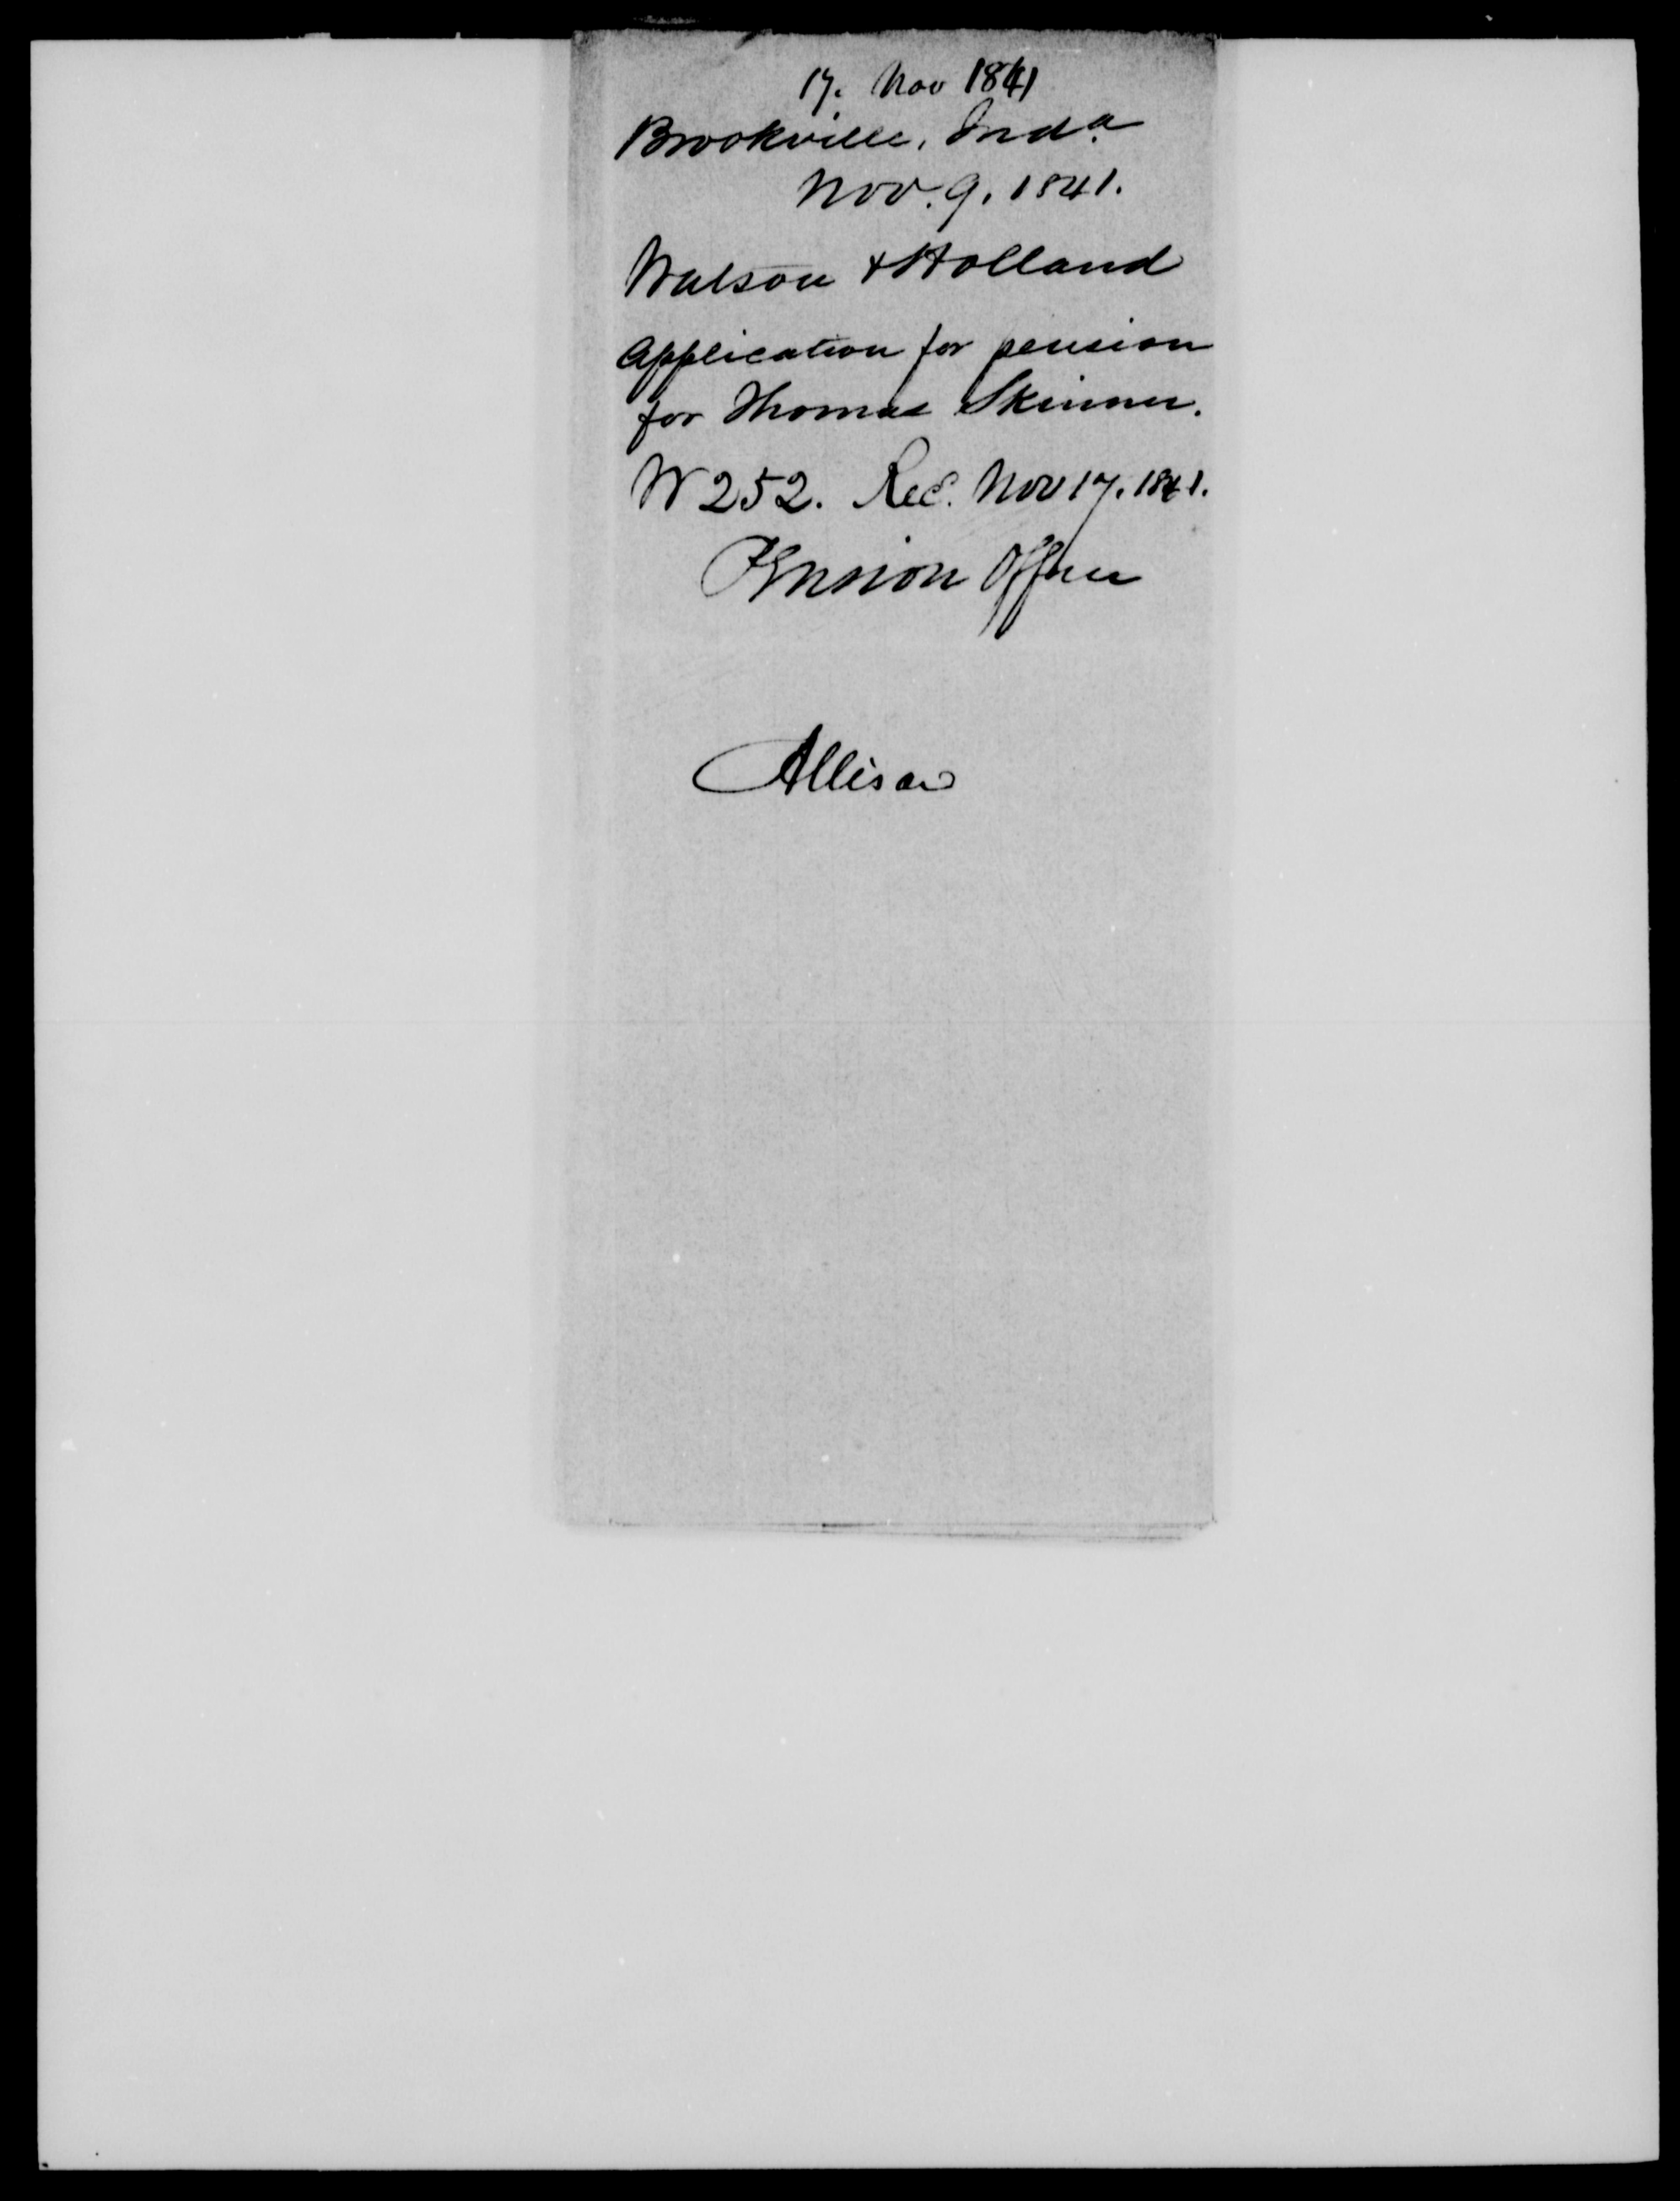19,  Nov 1841
Brookville, Indiana


Nov.9, 1841
Watson & Holland
Application for pension for
Thomas Skinner
W 252. Rec. Nov 17, 1841
Pension Office
Allison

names: [BLANK] Holland; Thomas Skinner; [BLANK] Watson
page: 33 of 33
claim: rejected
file: R. 9635, for Thomas Skinner, Delaware